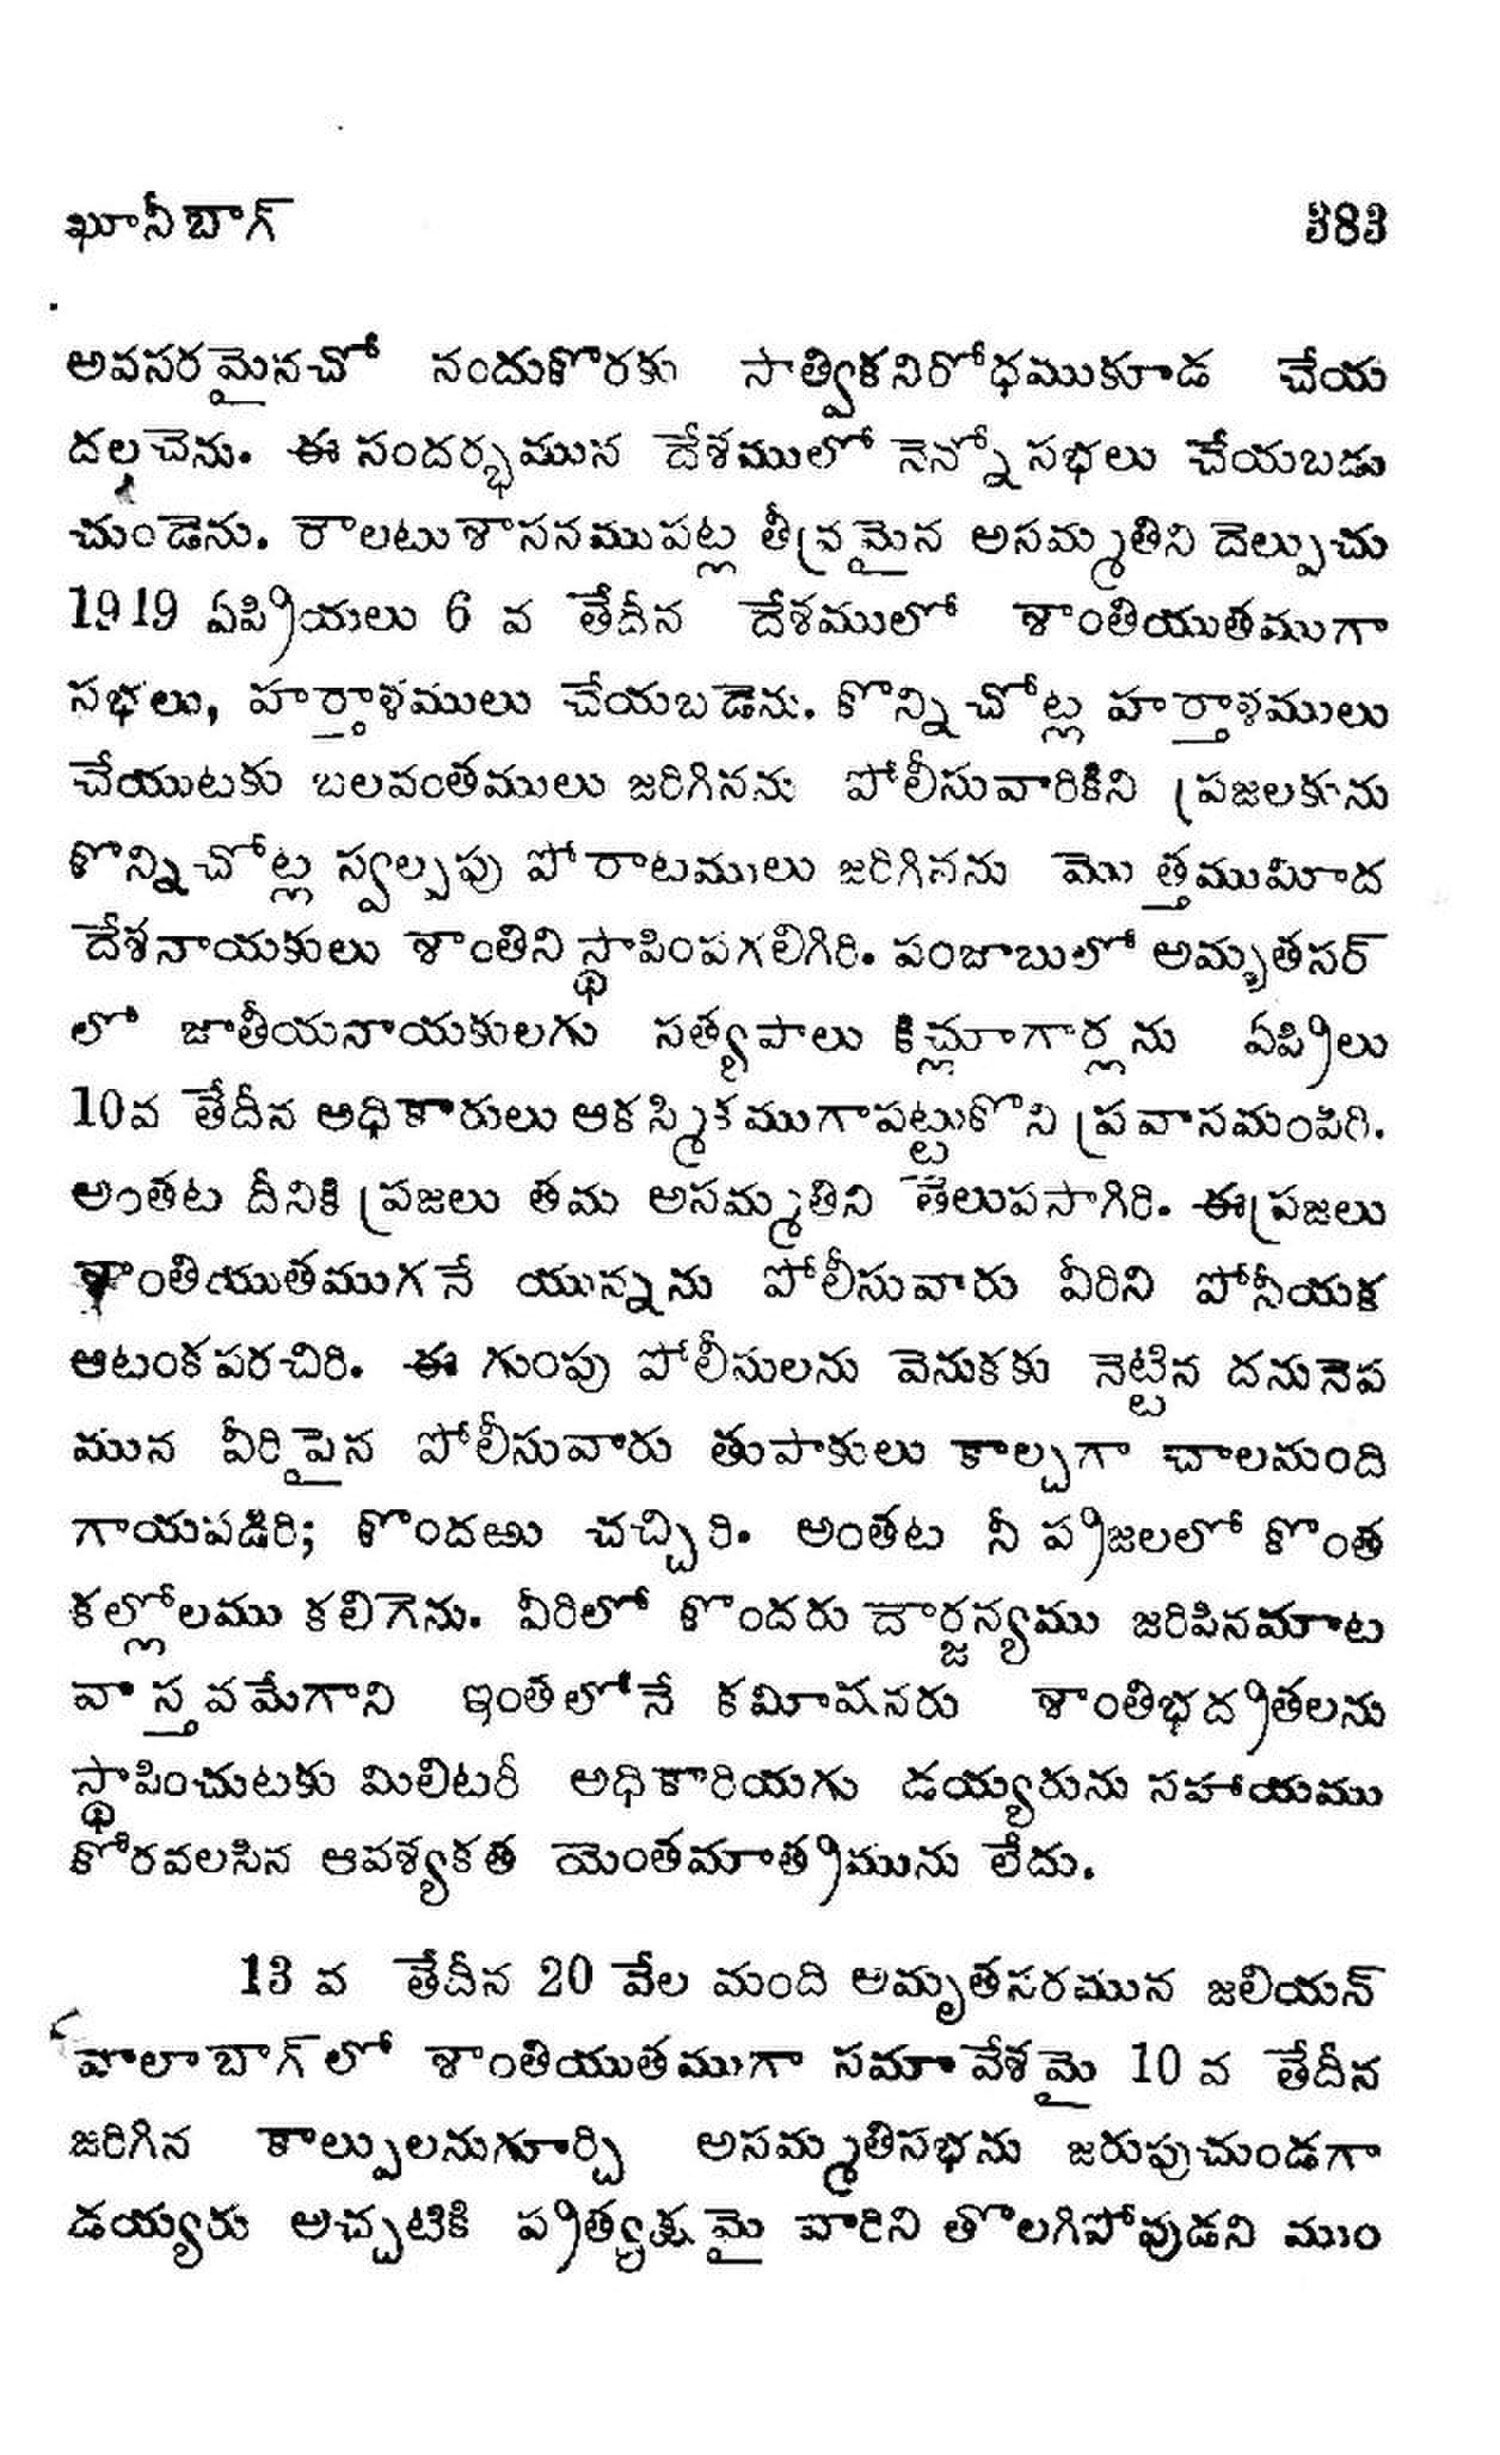అవసరమైనచో నందుకొరకు సాత్వికనిరోధముకూడ చేయదలచెను. ఈ సందర్భమున దేశములో నెన్నోసభలు చేయబడుచుండెను. రౌలటు శాసనముపట్ల తీవ్రమైన అసమ్మతిని దెల్పుచు 1919 ఏప్రియలు 6 వ తేదీన దేశములో శాంతియుతముగా సభలు, హర్తాళములు చేయబడెను. కొన్ని చోట్ల హర్తాళములు చేయుటకు బలవంతములు జరిగినను పోలీసువారికిని ప్రజలకును కొన్నిచోట్ల స్వల్పపు పోరాటములు జరిగినను మొత్తముమీద దేశనాయకులు శాంతిని స్థాపింపగలిగిరి. పంజాబులో అమృతసర్ లో జాతీయనాయకులగు సత్యపాలు కిచ్లూగార్లను ఏప్రిలు 10వ తేదీన అధికారులు ఆకస్మికముగా పట్టుకొని ప్రవాసమంపిరి. అంతట దీనికి ప్రజలు తమ అసమ్మతిని తెలుపసాగిరి. ఈప్రజలు శాంతియుతముగనే యున్నను పోలీసువారు వీరిని పోనీయక ఆటంకపరచిరి. ఈ గుంపు పోలీసులను వెనుకకు నెట్టిన దనునెపమున వీరిపైన పోలీసువారు తుపాకులు కాల్చగా చాలమంది గాయపడిరి; కొందఱు చచ్చిరి. అంతట నీ ప్రజలలో కొంత కల్లోలము కలిగెను. వీరిలో కొందరు దౌర్జన్యము జరిపినమాట వాస్తవమేగాని ఇంతలోనే కమిషనరు శాంతిభద్రతలను స్థాపించుటకు మిలిటరీ అధికారియగు డయ్యరును సహాయము కోరవలసిన ఆవశ్యకత యెంతమాత్రమును లేదు.

13 వ తేదీన 20 వేల మంది అమృతసరమున జలియన్‌వాలాబాగ్‌లో శాంతియుతముగా సమావేశమై 10 వ తేదీన జరిగిన కాల్పులనుగూర్చి అసమ్మతిసభను జరుపుచుండగా డయ్యరు అచ్చటికి ప్రత్యక్షమై వారిని తొలగిపోవుడని ముం